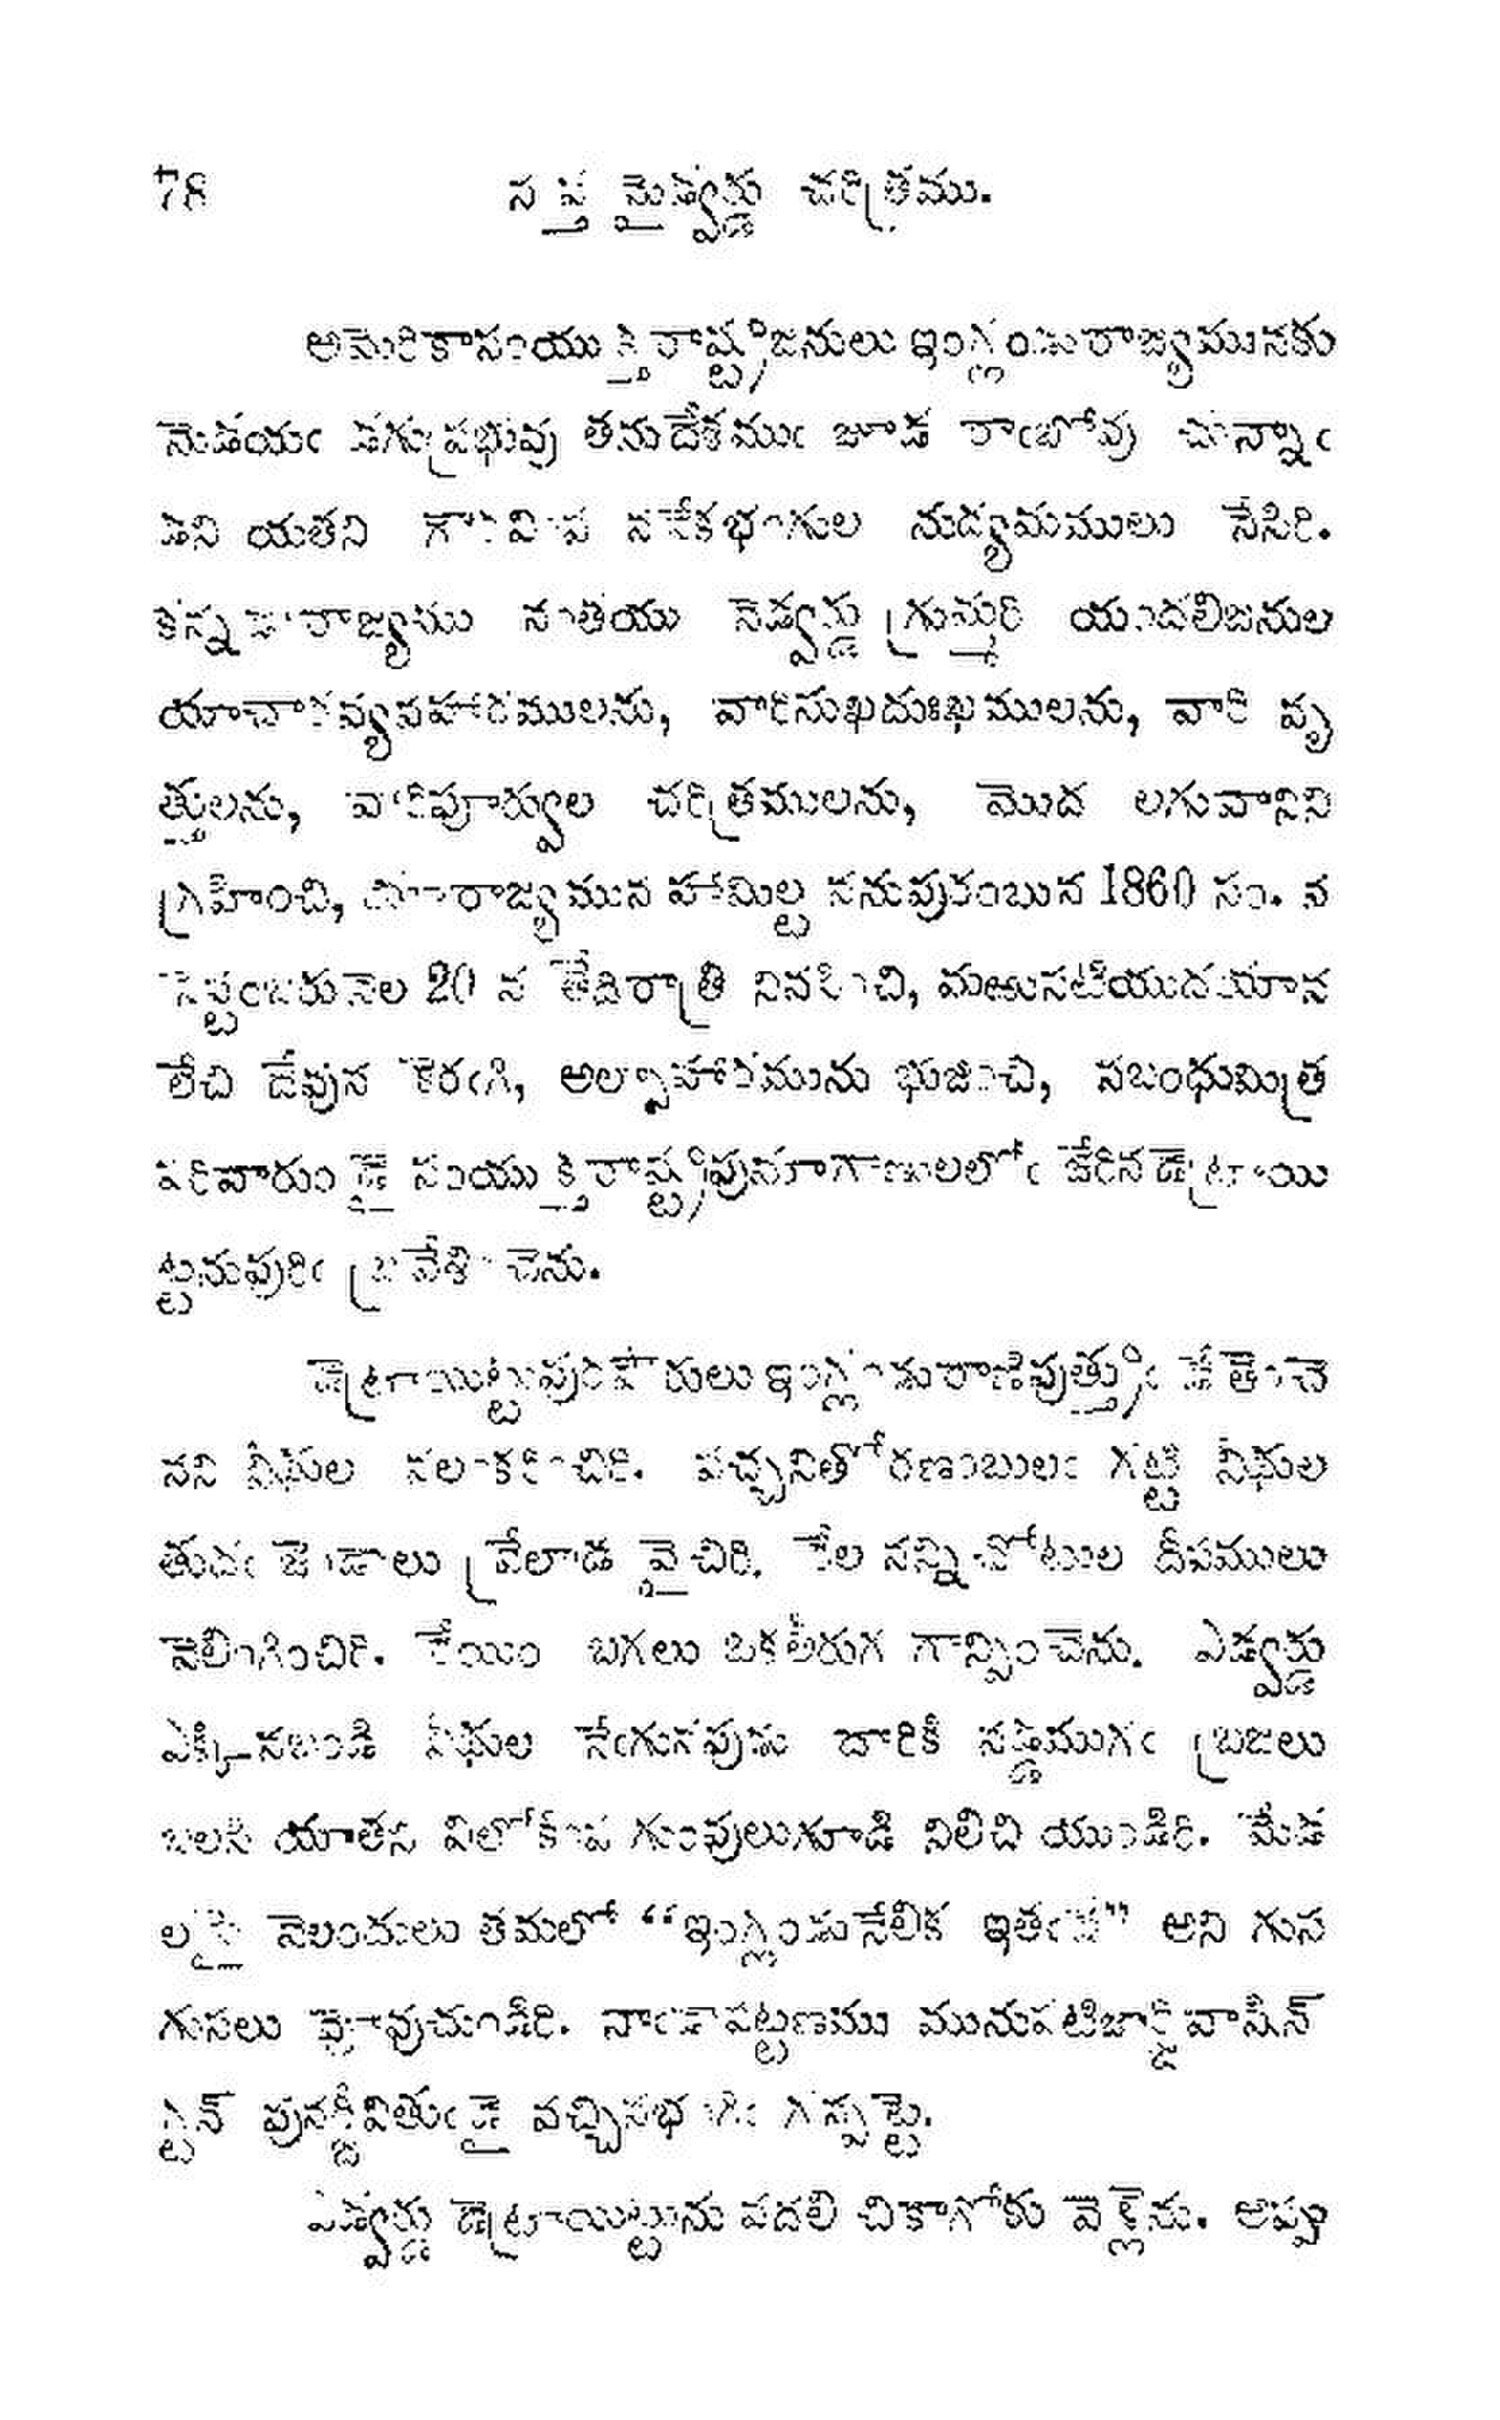అమెరికా సంయుక్త రాష్ట్ర జనులు ఇంగ్లండు రాజ్యమునకు నెడయఁ డగు ప్రభువు తమ దేశముఁ జూడ రాఁబోవు చున్నాఁడని యతని గౌరవింప ననేకభం గుల నుద్యమములు సేసిరి.
కన్నడా రాజ్యము నంతయు నెడ్వెర్డు గ్రుమ్మరి యందలిజనుల యూచార వ్యవహారములను, వారసుఖదుఃఖములను, వారి వృతులను, వారి పూర్వుల చరిత్రములను, మొద లగువానిని
గ్రహించి, ఈ రాజ్యమున హామిట్ట ననుపురంబున 1860 సం. న సెప్టెంబరు నెల 21 న తేది రాత్రి నివసించి, మరుసటియుదయాన లేచి దేవున 'కెరఁగి, అల్పాహామును భుజించి, సబంధుమిత్ర
పరివారుండై సంయుక్త రాష్ట్రపు మాగాణు లలో జేరిన డెట్రా యి టనుపురి బ్రవేశించెను.

డెట్రాయిట్టు పురపౌరులు ఇంగ్లండు రాణిపుత్రు డేతెంచెనని వీదుల సలంక రించిరి. . పచ్చనితోరణంబులు గట్టి వీధుల తుద జడాలులు వ్రేలాడ వై చిరి. రేల నన్ని చోటుల దీపములు
వెలిగించిరి. రేయిం బగలు ఒక తీరుగ గాంపించెను. ఎడ్వర్డు ఎక్కిన బండి 'వీదుల నేగు నపుడు దారికి నడ్డముగ బ్రజలు బలసి యాతని విలోకింప గుంపులు గూడి నిలిచియుడిరి. "మేడ
లపై వెలందులు తమలో ఇంగ్లండు నేలికక ఇతడే " అని గుసగుసలు వో వుచుండిరి. నాడాపట్టణము మునుపటి జార్జి వాసిన్గ్టన్ పునర్జీవితుఁ డై వచ్చిసభంగి గంపట్టెను.

ఎడ్వర్లు డెట్రాయిట్టు ను వదలి చికాగోకు వెళ్లెను. అప్పు